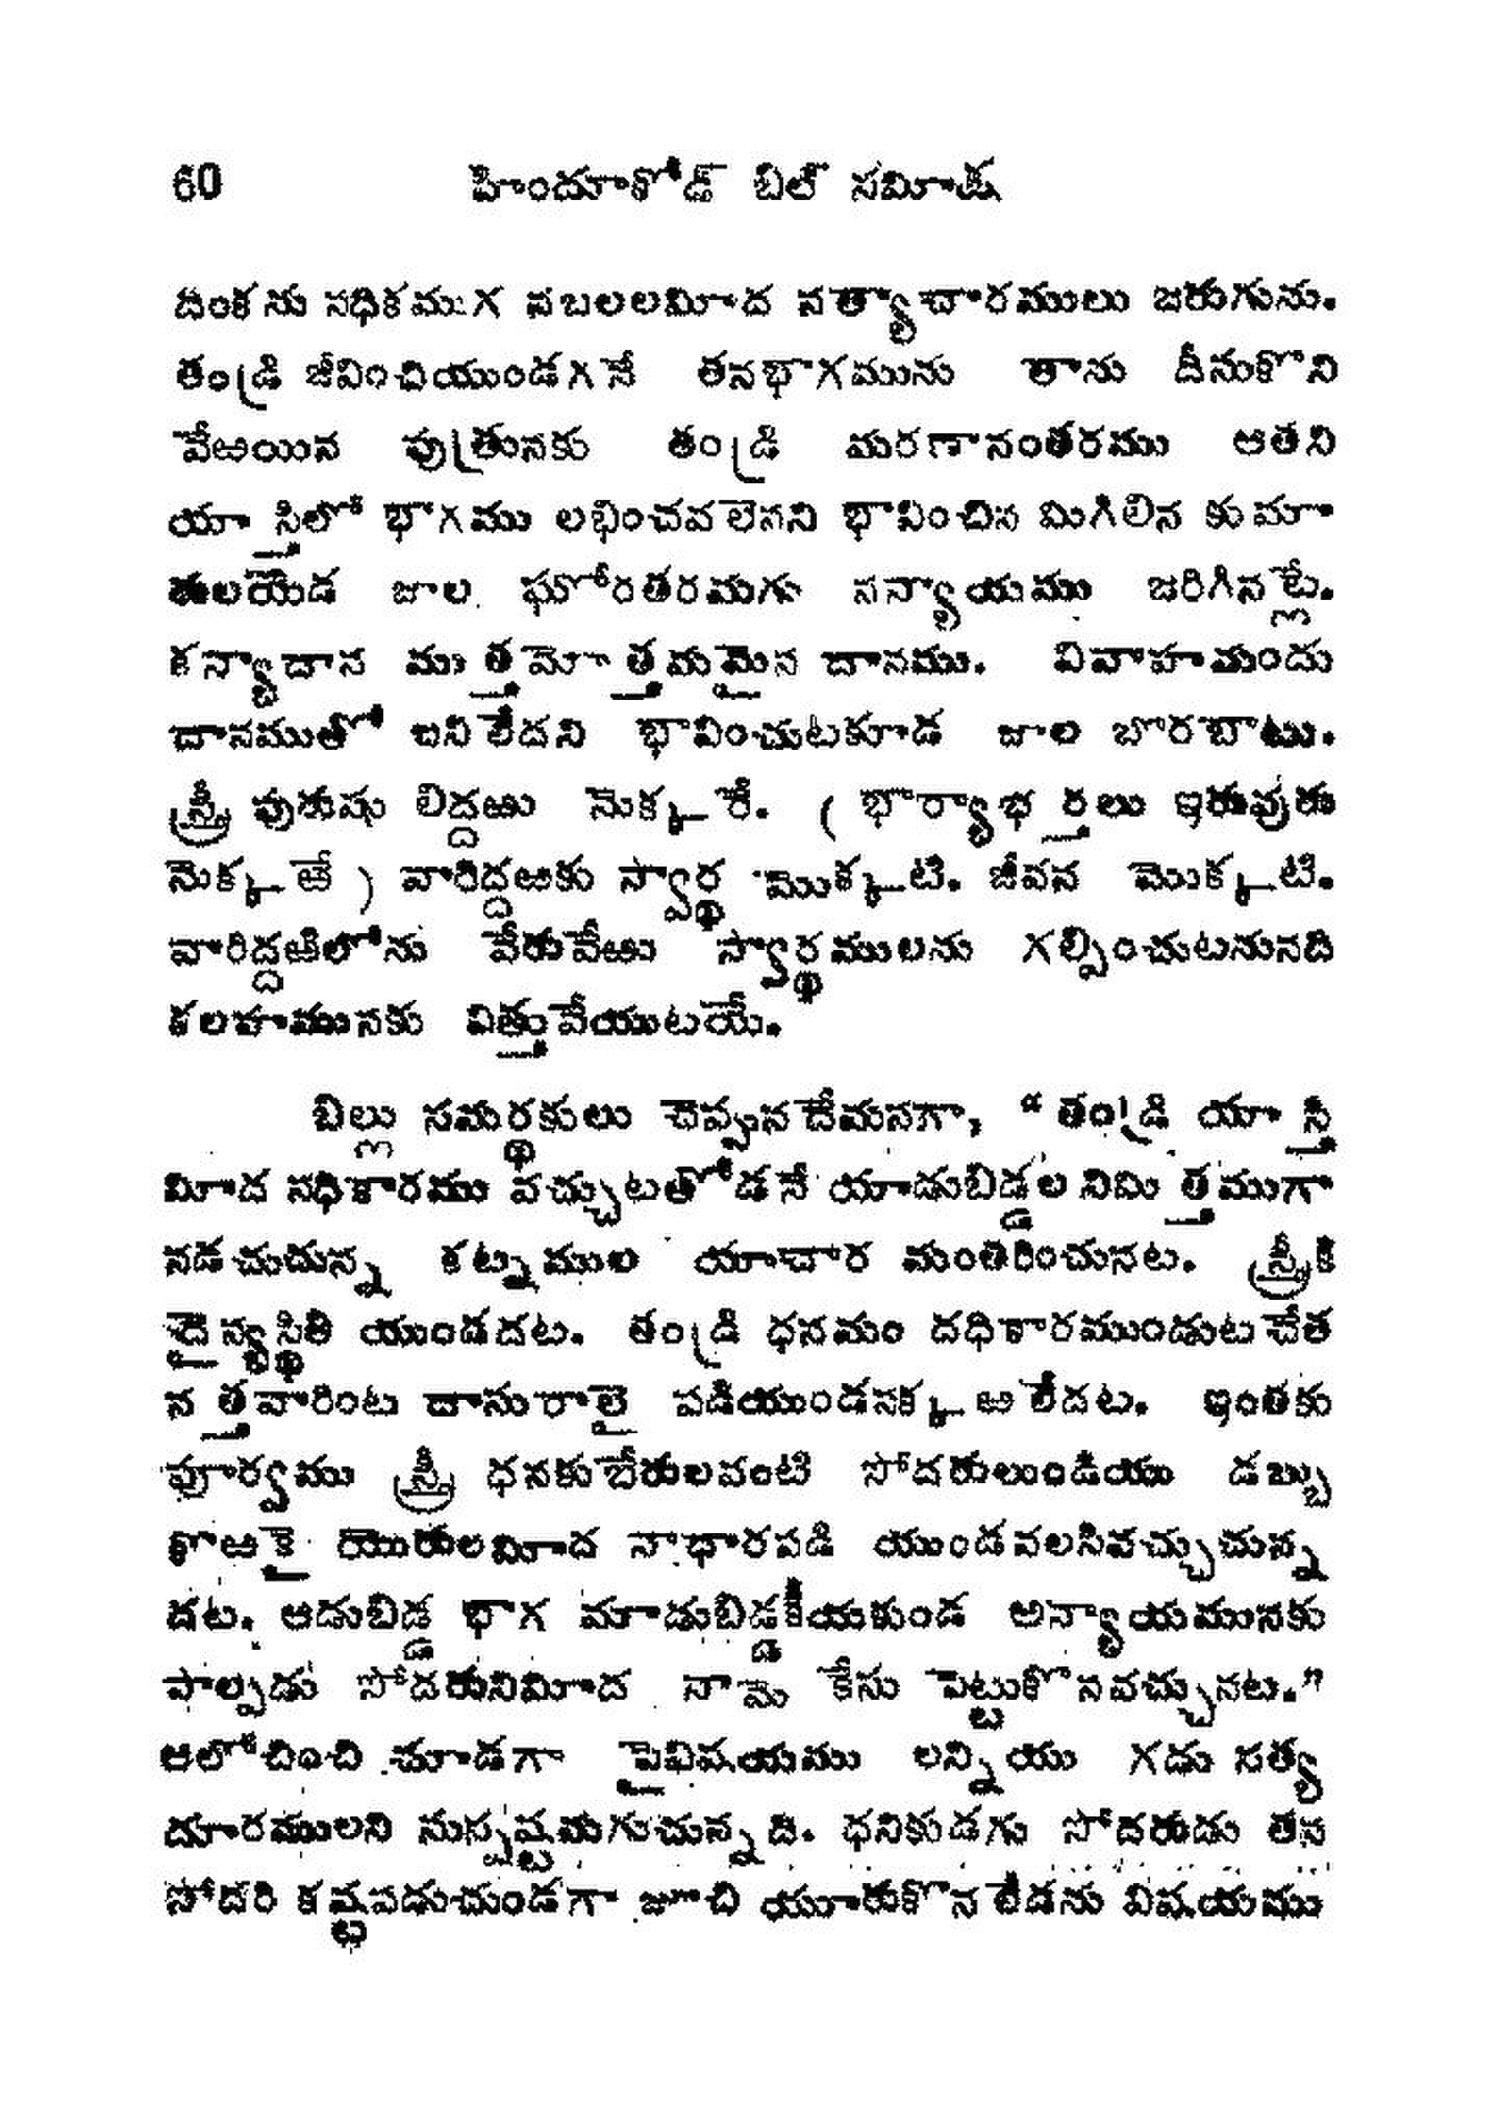దింకను నధికముగ నబలలమీద నత్యాచారములు జరుగును.
తండ్రి జీవించియుండగనే తన భాగమును తాను దీసుకొని
వేఱయిన పుత్రునకు తండ్రి మరణానంతరము యాస్తిలో 
భాగము లభించవలెనని భావించిన మిగిలిన కుమారులయెడ 
జాల ఘోరతరమగు నన్యాయము జరిగినట్లే. కన్యాదాన 
ముత్తమోత్తమమైన దానము. వివాహమందు దానముతో 
బనిలేదని భావించుటకూడ జాల బొరబాటు.
స్త్రీ పురుషు లిద్దఱు నొక్కఱే. ( భార్యాభర్తలు ఇరువురు
నొక్కఱే ) వారిద్దఱకు స్వార్థ మొక్కటి. జీవన మొక్కటి.
వారిద్దఱిలోను వేరువేఱు స్వార్థములను గల్పించుటనునది
కలహమునకు విత్తువేయుటయే.

బిల్లు సమర్థకులు చెప్పునదేమనగా, "తండ్రి యాస్తి 
మీద నధికారము వచ్చుటతోడనే యాడుబిడ్డల నిమిత్తముగా
నడచుచున్న కట్నముల యాచార మంతరించునట.
దైన్యస్థితి యుండదట. తండ్రి ధనమం దధికారముండుట చేత
నత్తవారింట దాసురాలై పడియుండ నక్కఱలేదట. ఇంతకు
పూర్వము స్త్రీ ధన కుబేరులవంటి సోదరులుండియు డబ్బు
కొఱకై యొరులమీద నాధారపడి యుండవలసి వచ్చుచున్నదట. 
ఆడుబిడ్డ భాగ మాడుబిడ్డకీయకుండ అన్యాయమునకు
పాల్పడు సోదరునిమీద నామె కేసు పెట్టుకొనవచ్చునట.”
ఆలోచించి చూడగా పైవిషయము లన్నియు గడు సత్య
దూరములని సుస్పష్టమగుచున్నది. ధనికుడగు సోదరుడు తన
సోదరి కష్టపడుచుండగా జూచి యూరుకొన లేడను విషయము